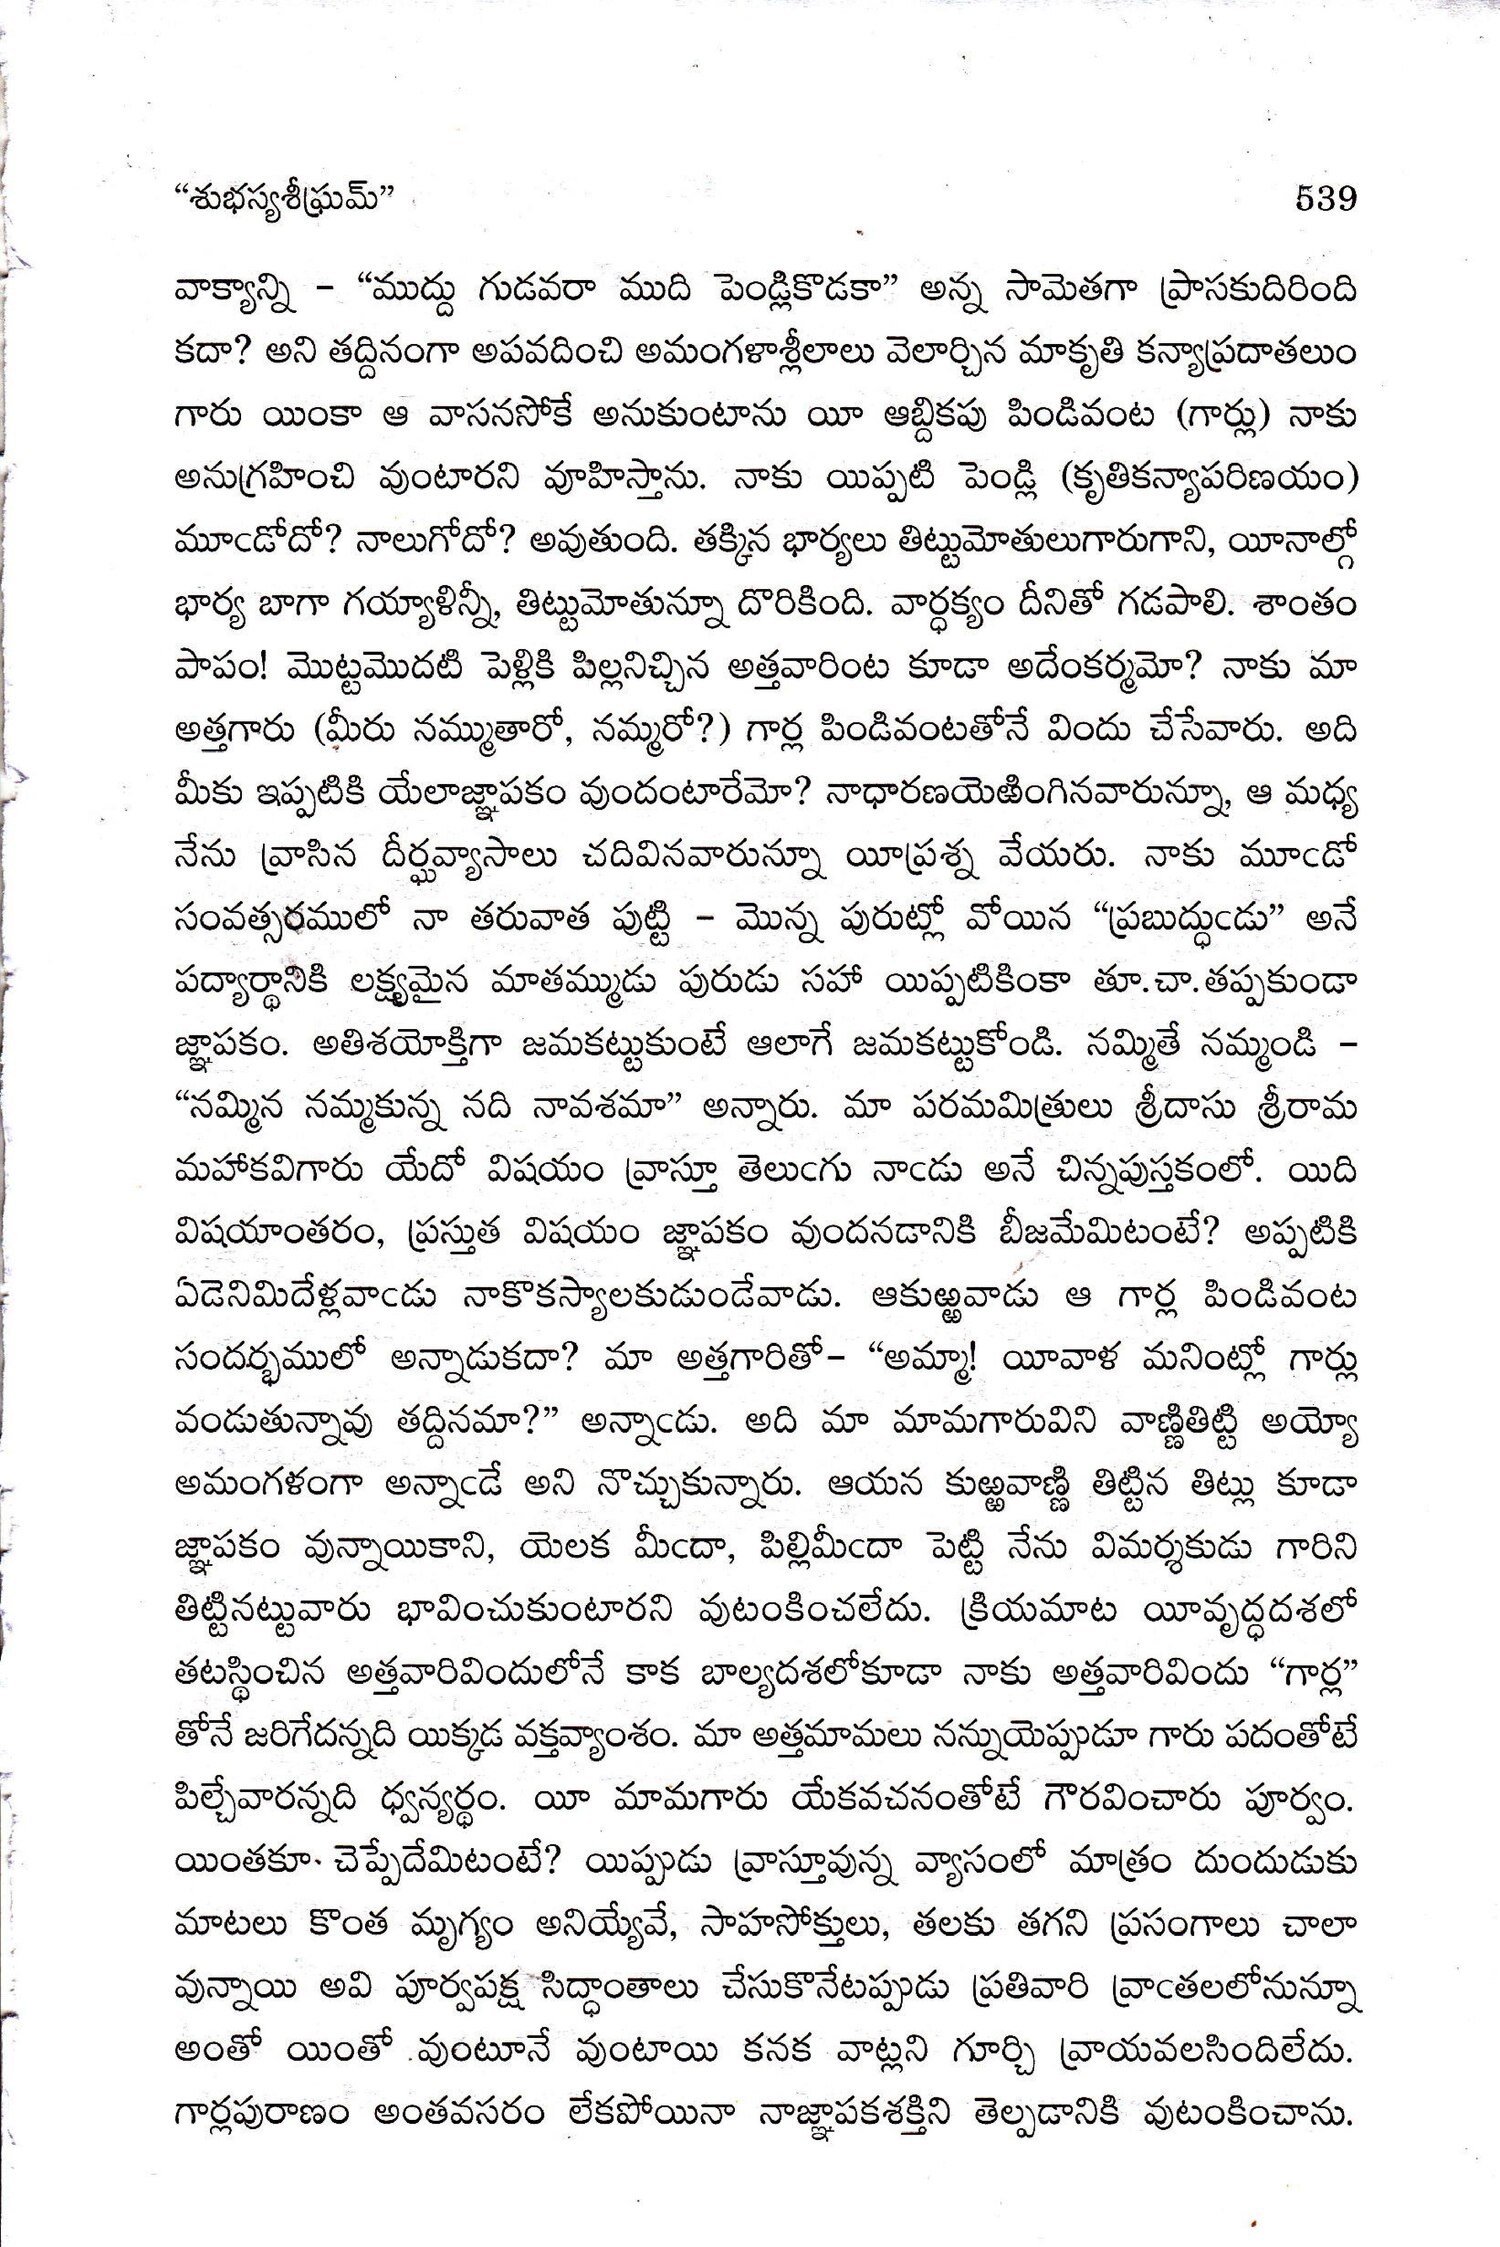వాక్యాన్ని - "ముద్దు గుడవరా ముది పెండ్లికొడకా" అన్న సామెతగా ప్రాసకుదిరింది కదా? అని తద్దినంగా అపవదించి అమంగళాశ్లీలాలు వెలార్చిన మాకృతి కన్యాప్రదాతలుం గారు యింకా ఆ వాసనసోకే అనుకుంటాను యీ ఆబ్దికపు పిండివంట (గార్లు) నాకు అనుగ్రహించి వుంటారని వూహిస్తాను. నాకు యిప్పటి పెండ్లి (కృతికన్యాపరిణయం) మూఁడోదో? నాలుగోదో? అవుతుంది. తక్కిన భార్యలు తిట్టుమోతులుగారుగాని, యీనాల్గో భార్య బాగా గయ్యాళిన్నీ తిట్టుమోతున్నూ దొరికింది. వార్ధక్యం దీనితో గడపాలి. శాంతం పాపం! మొట్టమొదటి పెళ్లికి పిల్లనిచ్చిన అత్తవారింట కూడా అదేంకర్మమో? నాకు మా అత్తగారు (మీరు నమ్ముతారో, నమ్మరో?) గార్ల పిండివంటతోనే విందు చేసేవారు. అది మీకు ఇప్పటికి యేలాజ్ఞాపకం వుందంటారేమో? నాధారణయెఱింగినవారున్నూ ఆ మధ్య నేను వ్రాసిన దీర్ఘవ్యాసాలు చదివినవారున్నూ యీప్రశ్న వేయరు. నాకు మూఁడో సంవత్సరములో నా తరువాత పుట్టి - మొన్న పురుట్లో వోయిన “ప్రబుద్దుడు" అనే పద్యార్థానికి లక్ష్యమైన మాతమ్ముడు పురుడు సహా యిప్పటికింకా తూ.చా.తప్పకుండా జ్ఞాపకం. అతిశయోక్తిగా జమకట్టుకుంటే ఆలాగే జమకట్టుకోండి. నమ్మితే నమ్మండి - “నమ్మిన నమ్మకున్న నది నావశమా" అన్నారు. మా పరమమిత్రులు శ్రీదాసు శ్రీరామ మహాకవిగారు యేదో విషయం వ్రాస్తూ తెలుఁగు నాఁడు అనే చిన్నపుస్తకంలో, యిది విషయాంతరం, ప్రస్తుత విషయం జ్ఞాపకం వుందనడానికి బీజమేమిటంటే? అప్పటికి ఏడెనిమిదేళ్లవాఁడు నాకొకస్యాలకుడుండేవాడు. ఆకుఱ్ఱవాడు ఆ గార్ల పిండివంట సందర్భములో అన్నాడుకదా? మా అత్తగారితో- "అమ్మా! యీవాళ మనింట్లో గార్లు వండుతున్నావు తద్దినమా?" అన్నాఁడు. అది మా మామగారువిని వాణ్ణితిట్టి అయ్యో అమంగళంగా అన్నాఁడే అని నొచ్చుకున్నారు. ఆయన కుఱ్ఱవాణ్ణి తిట్టిన తిట్లు కూడా జ్ఞాపకం వున్నాయికాని, యెలక మీఁదా, పిల్లిమీఁదా పెట్టి నేను విమర్శకుడు గారిని తిట్టినట్టువారు భావించుకుంటారని వుటంకించలేదు. క్రియమాట యీవృద్ధదశలో తటస్థించిన అత్తవారివిందులోనే కాక బాల్యదశలోకూడా నాకు అత్తవారివిందు "గార్ల" తోనే జరిగేదన్నది యిక్కడ వక్తవ్యాంశం. మా అత్తమామలు నన్నుయెప్పుడూ గారు పదంతోటే పిల్చేవారన్నది ధ్వన్యర్థం. యీ మామగారు యేకవచనంతోటే గౌరవించారు పూర్వం. యింతకూ చెప్పేదేమిటంటే? యిప్పుడు వ్రాసూవున్న వ్యాసంలో మాత్రం దుందుడుకు మాటలు కొంత మృగ్యం అనియ్యేవే, సాహసోక్తులు, తలకు తగని ప్రసంగాలు చాలా వున్నాయి అవి పూర్వపక్ష సిద్ధాంతాలు చేసుకొనేటప్పుడు ప్రతివారి వ్రాఁతలలోనున్నూ అంతో యింతో వుంటూనే వుంటాయి కనక వాట్లని గూర్చి వ్రాయవలసిందిలేదు. గార్లపురాణం అంతవసరం లేకపోయినా నాజ్ఞాపకశక్తిని తెల్పడానికి వుటంకించాను.